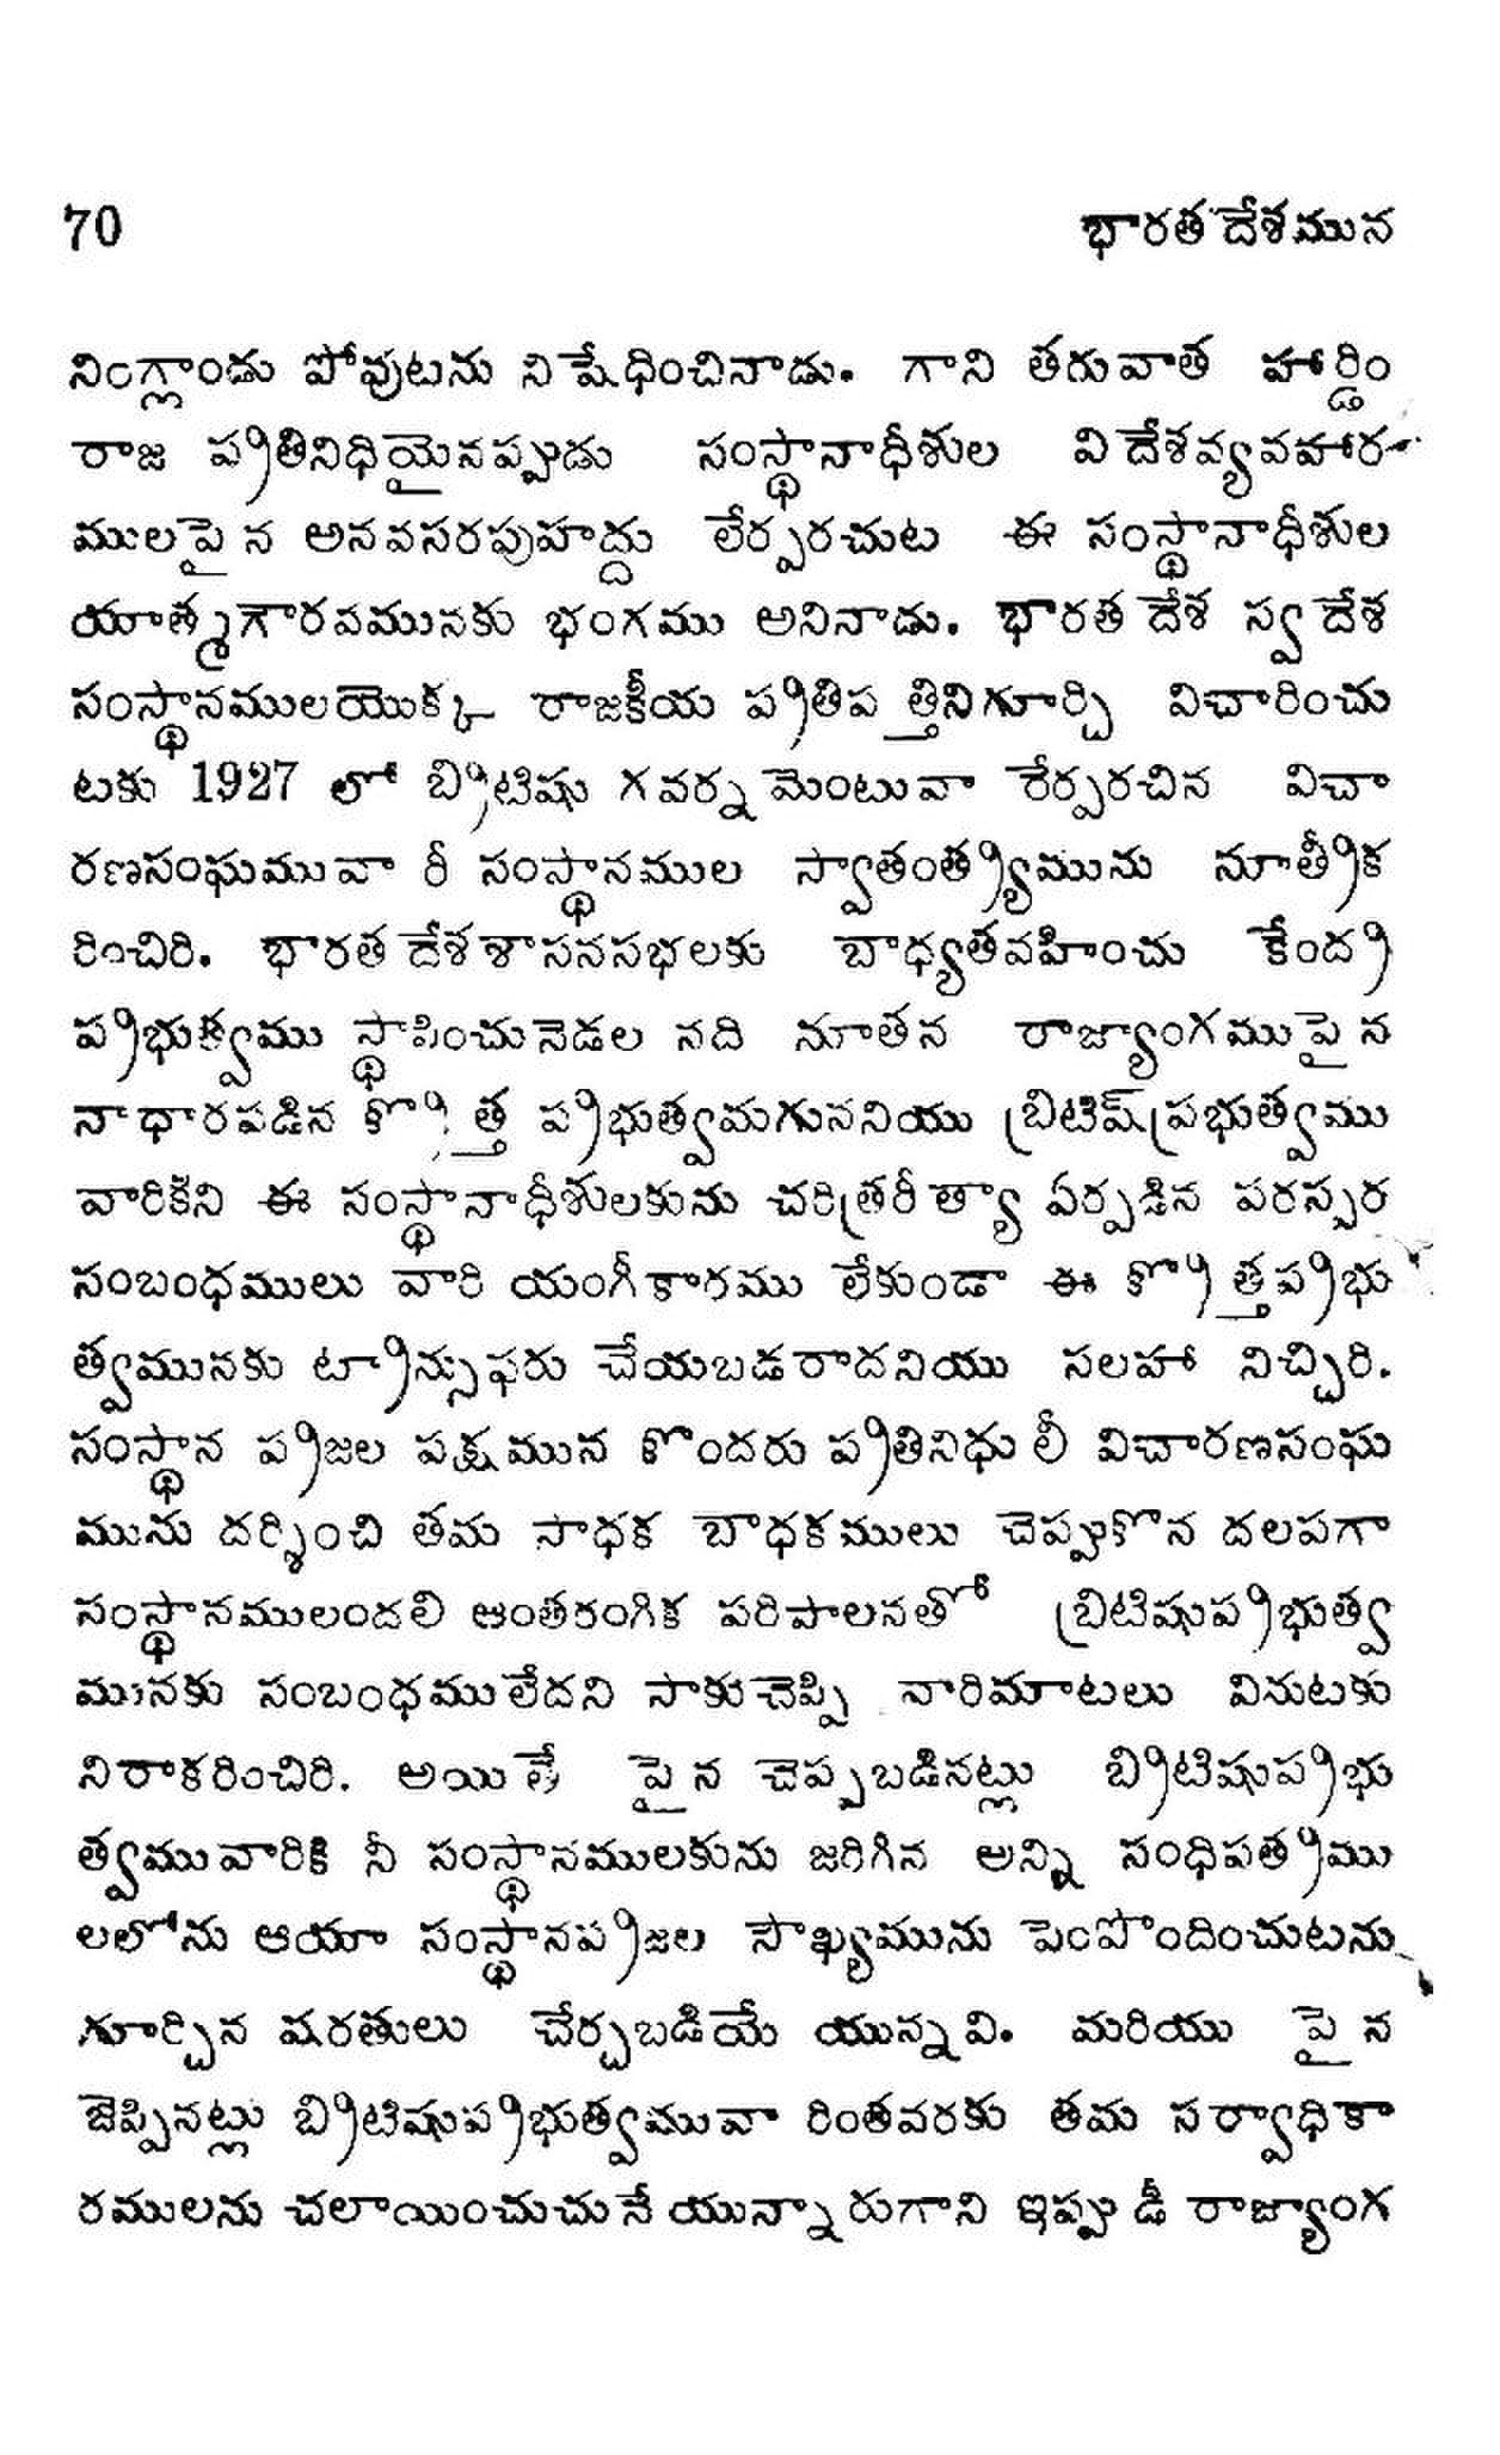నింగ్లాండు పోవుటను నిషేధించినాడు. గాని తరువాత హార్డిం రాజ ప్రతినిధియైనప్పుడు సంస్థానాధీశుల విదేశవ్యవహారములపైన అనవసరపుహద్దు లేర్పరచుట ఈ సంస్థానాధీశుల యాత్మగౌరవమునకు భంగము అనినాడు. భారతదేశ స్వదేశసంస్థానములయొక్క రాజకీయ ప్రతిపత్తినిగూర్చి విచారించుటకు 1927 లో బ్రిటిషు గవర్నమెంటువా రేర్పరచిన విచారణసంఘమువా రీ సంస్థానముల స్వాతంత్ర్యమును సూత్రీకరించిరి. భారతదేశశాసనసభలకు బాధ్యతవహించు కేంద్రప్రభుత్వము స్థాపించునెడల నది నూతన రాజ్యాంగముపైన నాధారపడిన క్రొత్త ప్రభుత్వమగుననియు బ్రిటిష్‌ప్రభుత్వమువారికిని ఈ సంస్థానాధీశులకును చరిత్రరీత్యా ఏర్పడిన పరస్పర సంబంధములు వారి యంగీకారము లేకుండా ఈ క్రొత్తప్రభుత్వమునకు ట్రాన్సుఫరు చేయబడరాదనియు సలహా నిచ్చిరి. సంస్థాన ప్రజల పక్షమున కొందరు ప్రతినిధు లీ విచారణసంఘమును దర్శించి తమ సాధక బాధకములు చెప్పుకొన దలపగా సంస్థానములందలి ఆంతరంగిక పరిపాలనతో బ్రిటిషుప్రభుత్వమునకు సంబంధములేదని సాకుచెప్పి వారిమాటలు వినుటకు నిరాకరించిరి. అయితే పైన చెప్పబడినట్లు బ్రిటిషుప్రభుత్వమువారికి నీ సంస్థానములకును జరిగిన అన్ని సంధిపత్రములలోను ఆయా సంస్థానప్రజల సౌఖ్యమును పెంపొందించుటను. గూర్చిన షరతులు చేర్చబడియే యున్నవి. మరియు పైన జెప్పినట్లు బ్రిటిషుప్రభుత్వమువా రింతవరకు తమ సర్వాధికారములను చలాయించుచునే యున్నారుగాని ఇప్పుడీ రాజ్యాంగ